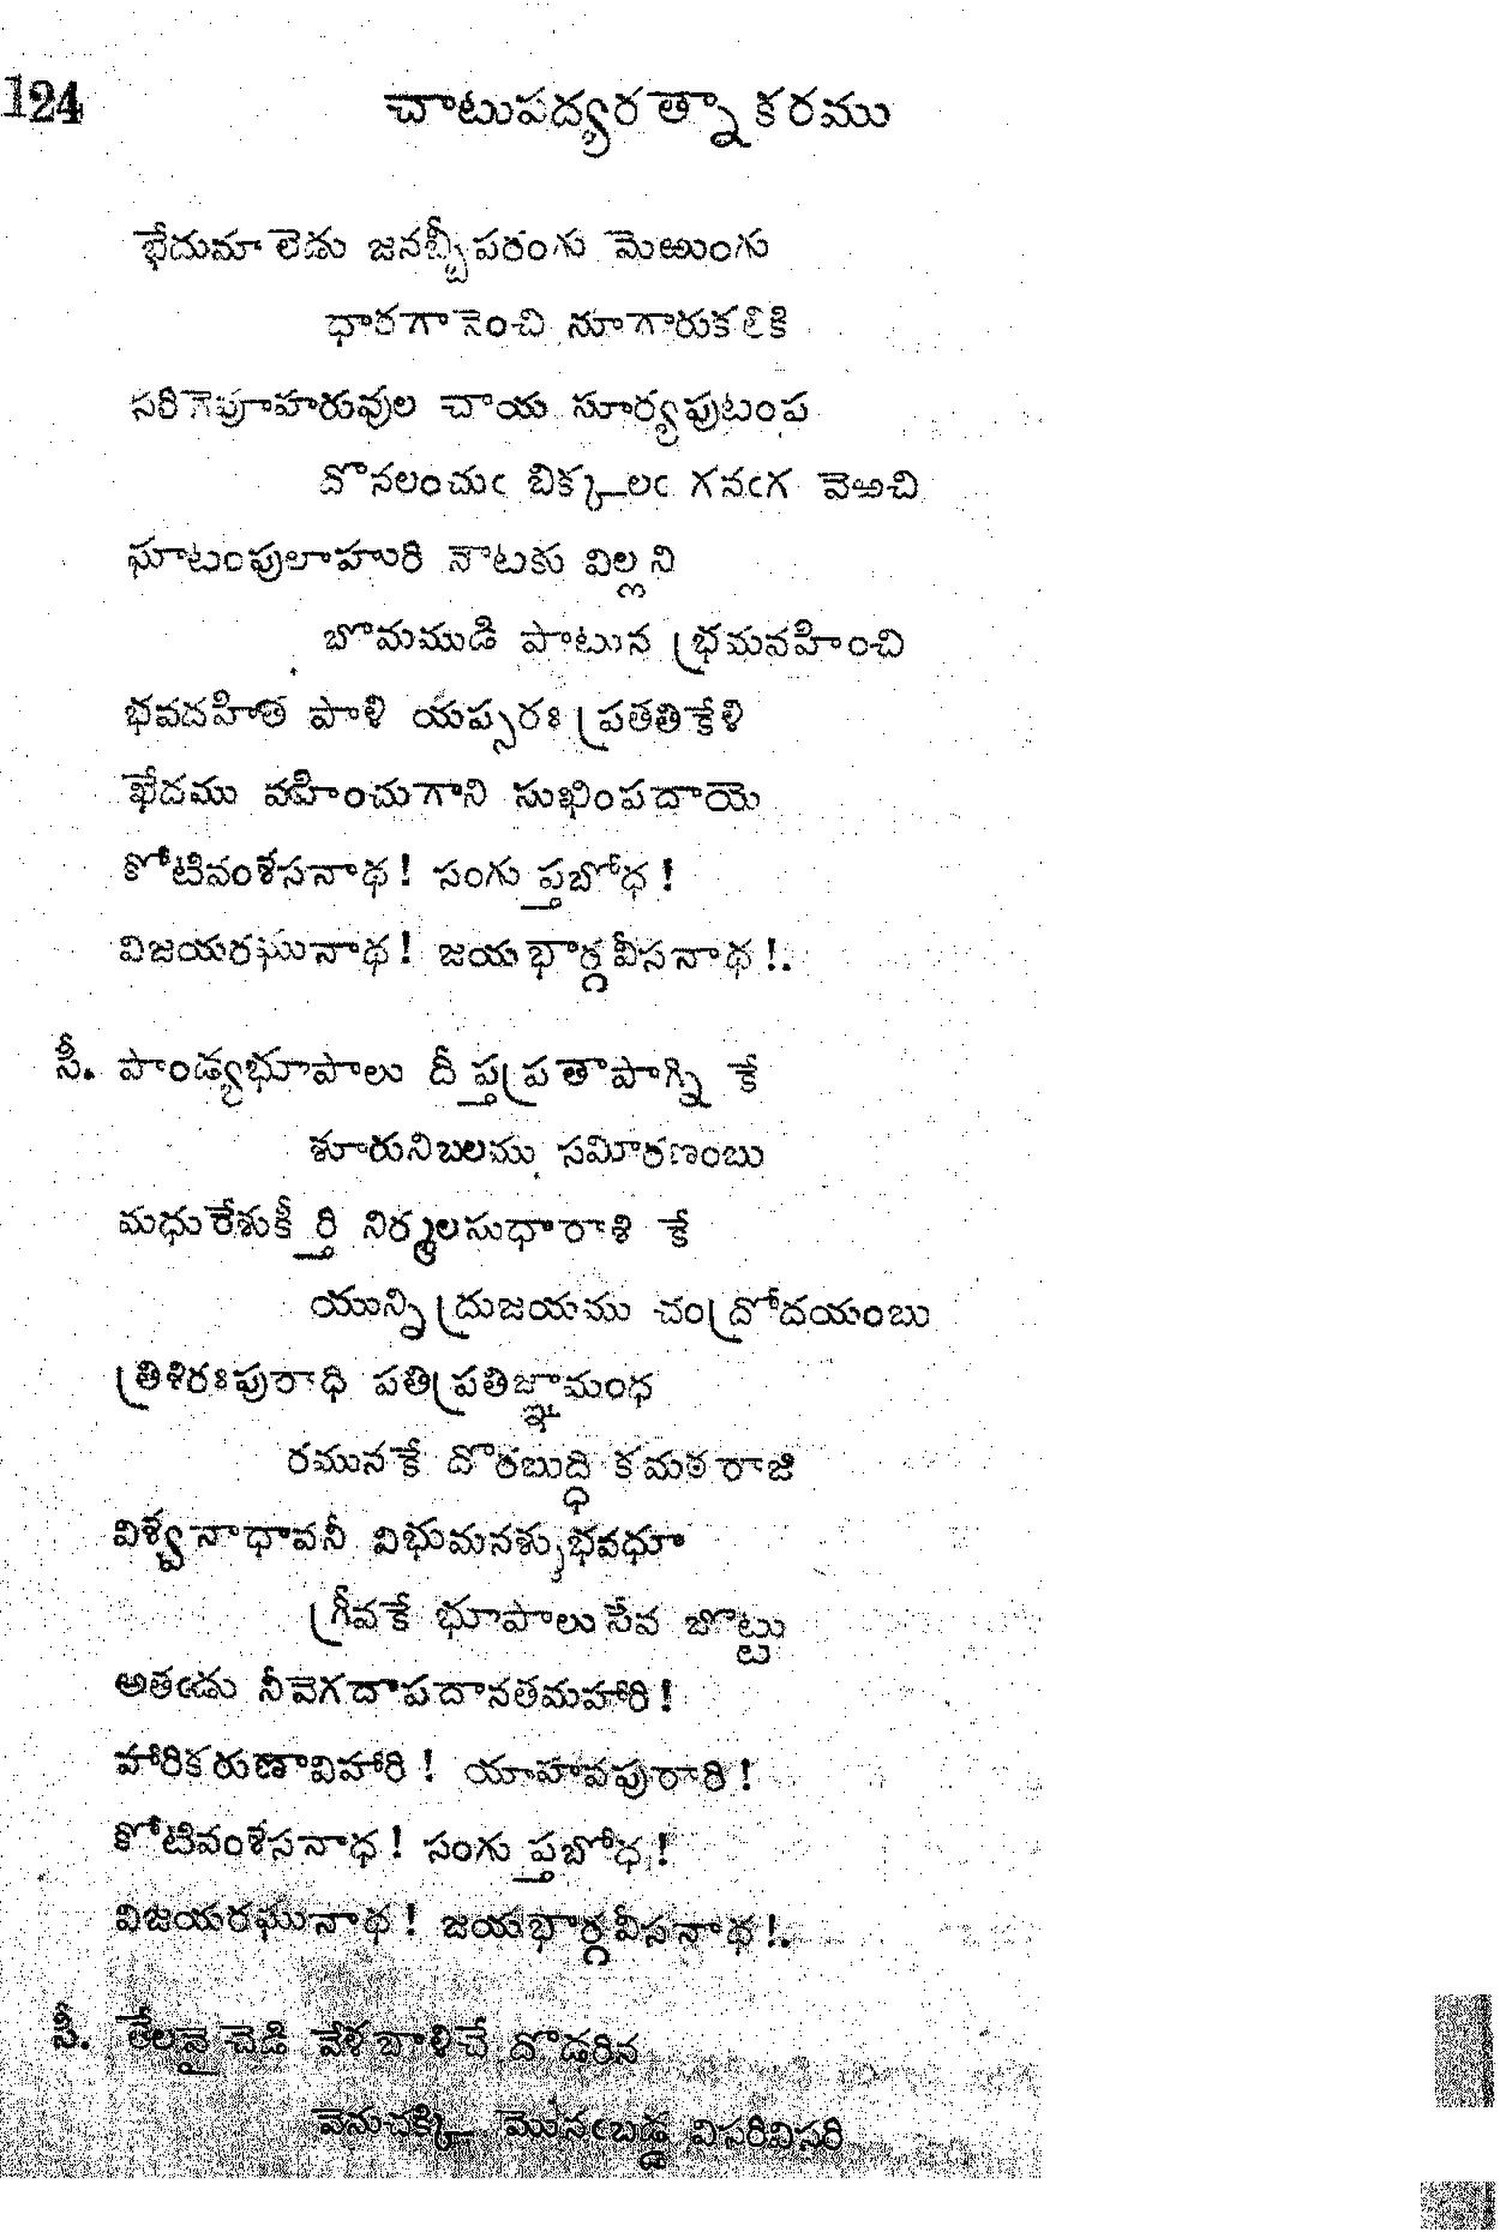బేధుమాలెడు జనబ్బీపరంగు మెఱుంగు
 ధారగానెంచి నూగారుకలికి
 సరిగెపూహరువుల చాయ సూర్యపుటంప
 దొనలంచుఁ బిక్కలఁ గనఁగ వెఱచి
 ఘాటంపులాహురి నౌటకు విల్లని
 బొమముడి పాటున భ్రమ వహించి
 భవదహితపాళి యప్సరఃప్రతతికేళి
 ఖేదము వహించుగాని సుఖింపదాయె
 కోటివంశసనాథ! సంగుప్తబోధ!
 విజయరఘునాథ! జయభార్గవీసనాథ!

సీ. పాండ్యభూపాలు దీప్తప్రతాపాగ్ని కే
 శూరునిబలము సమీరణంబు
 మధురేశకీర్తి నిర్మలసుధారాశి కే
 యున్నిద్రుజయము చంద్రోదయంబు
 త్రిశిరఃపురాధిపతిప్రతిజ్ఞామంధ
 రమునకే దొరబుద్ధి కమఠరాజి
 విశ్వనాథావనీవిభుమనశ్శుభవధూ
 గ్రీవకే భూపాలుసేవ బొట్టు
 అతఁడు నీవెగదాపదానతమహారి!
 హారికరుణావిహారి! యాహవపురారి!
 కోటివంశసనాథ! సంగుప్తబోధ!
 విజయరఘునాథ! జయభార్గవీసనాథ!

సీ. తేలవైచెడి వేళబాళిచే దొడరిన
 వెనుచక్కి మొనఁబడ్డ విసరి విసరి